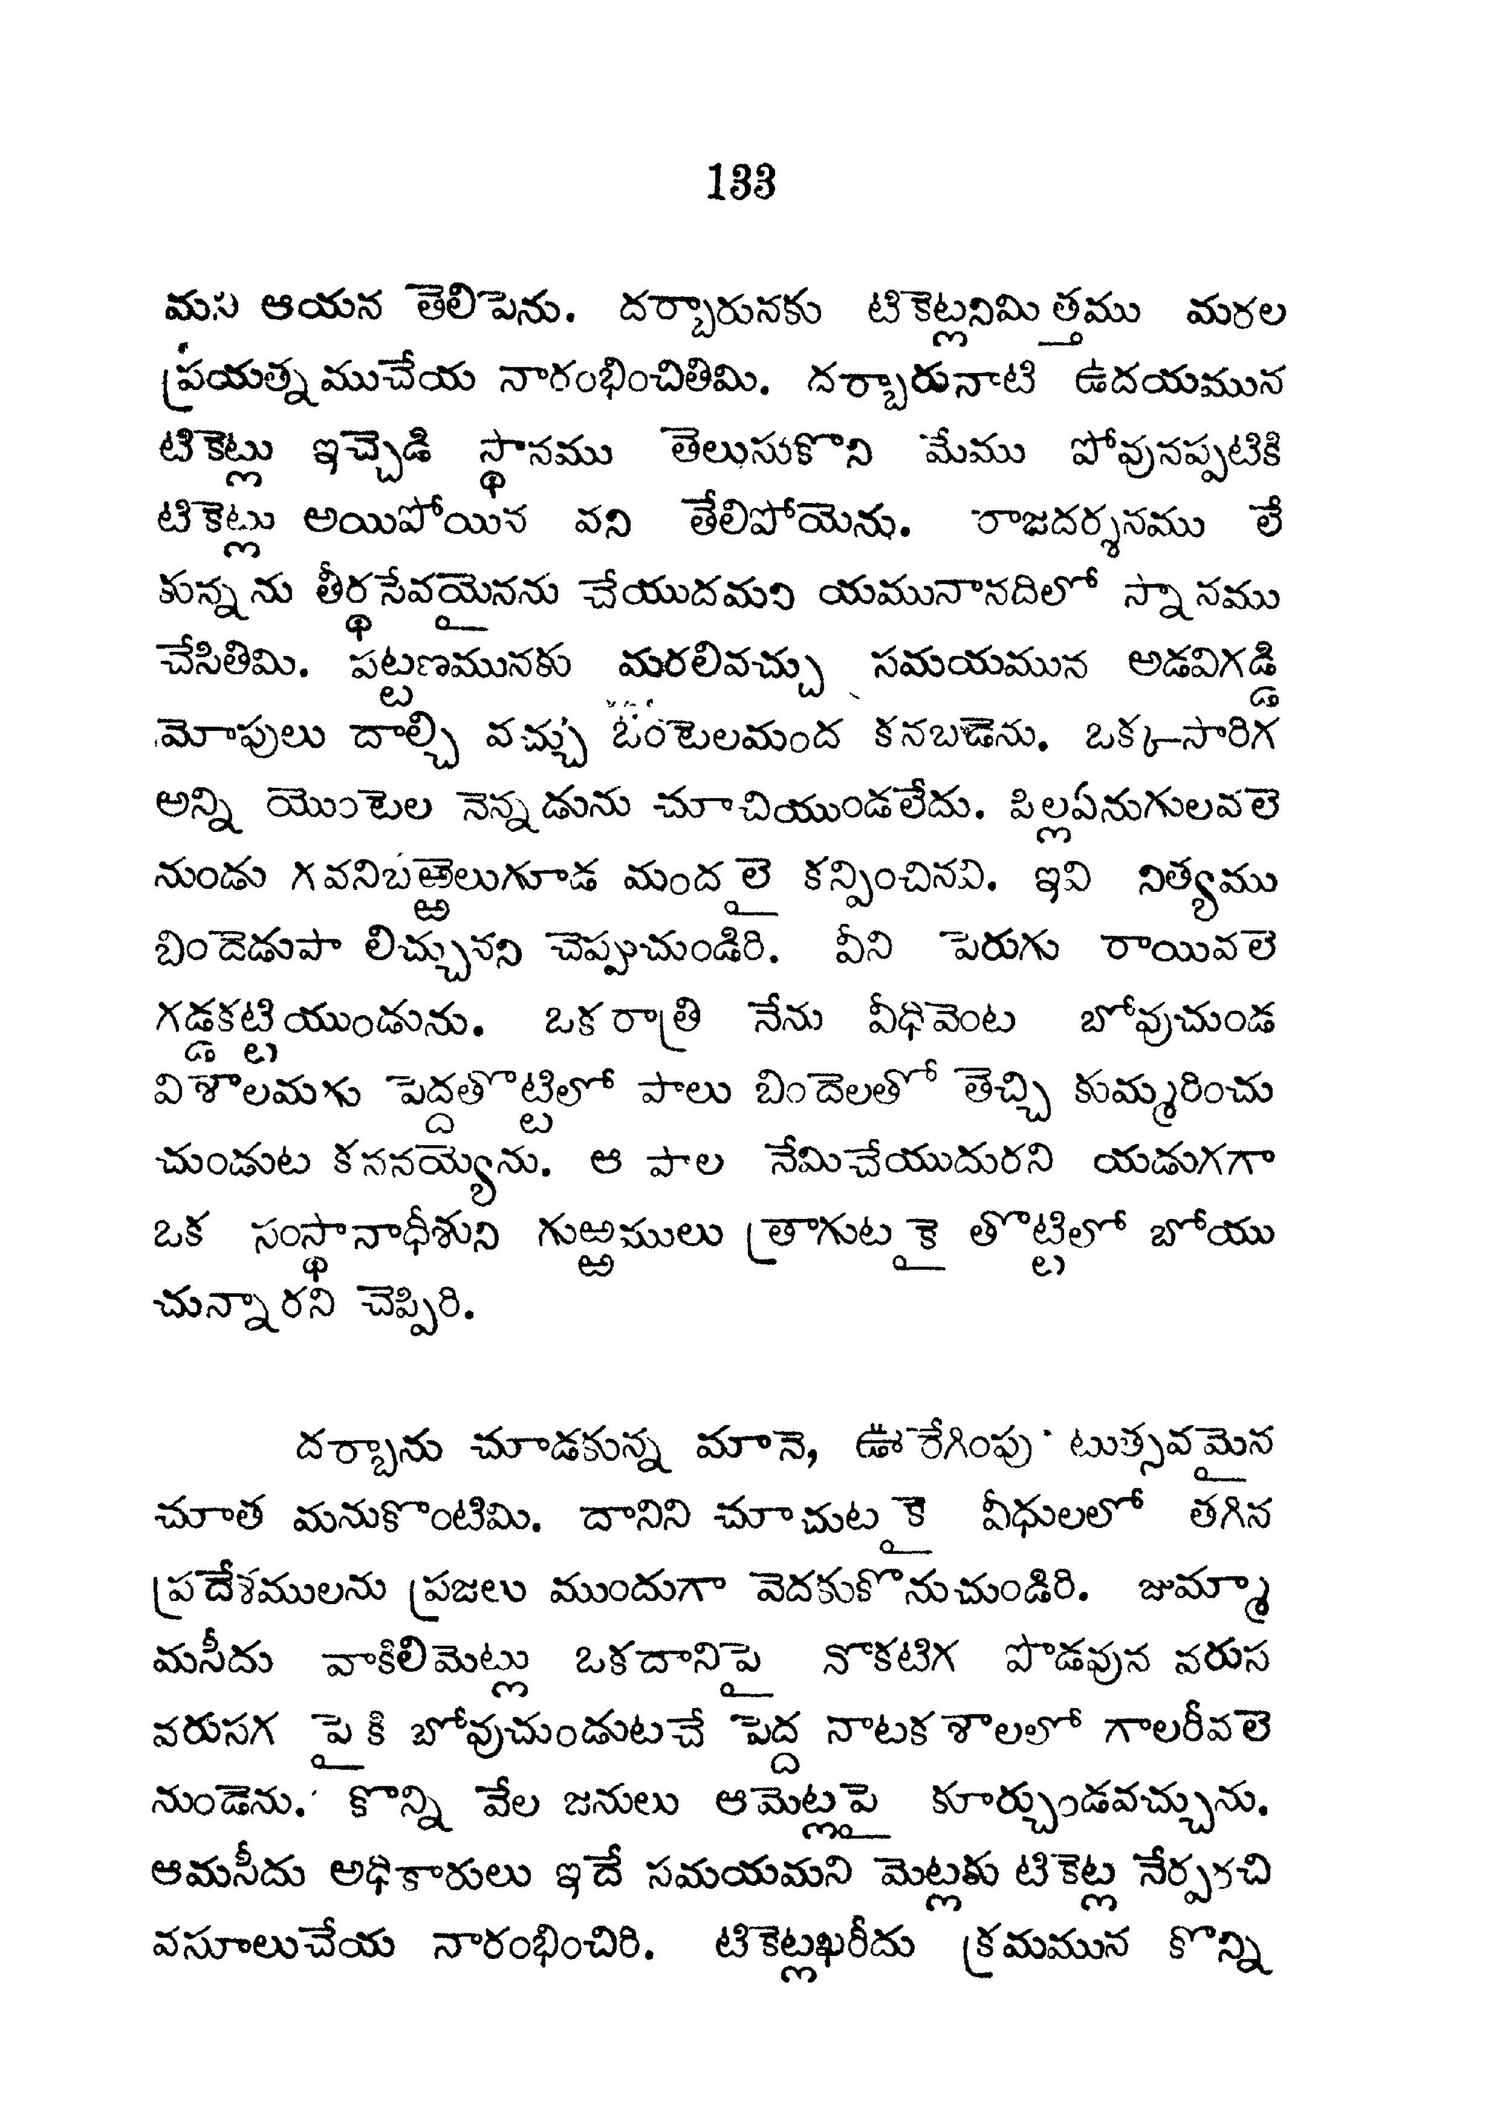మని ఆయన తెలిపెను. దర్బారునకు టిక్కెట్లనిమిత్తము మరల ప్రయత్నముచేయ నారంభించితిమి. దర్బారునాటి ఉదయమున టిక్కెట్లు ఇచ్చెడి స్థానము తెలుసుకొని మేము పోవునప్పటికి టిక్కెట్లు అయిపోయిన వని తేలిపోయెను. రాజదర్శనము లేకున్నను తీర్థసేవయైనను చేయుదమని యమునానదిలో స్నానము చేసితిమి. పట్టణమునకు మరలివచ్చు సమయమున అడవిగడ్డి మోపులు దాల్చి వచ్చు ఒంటెలమంద కనబడెను. ఒక్కసారిగ అన్ని యొంటెల నెన్నడును చూచియుండలేదు. పిల్లఏనుగులవలె నుండు గవనిబఱ్ఱెలుగూడ మందలై కన్పించినవి. ఇవి నిత్యము బిందెడుపా లిచ్చునని చెప్పుచుండిరి. వీని పెరుగు రాయివలె గడ్డకట్టియుండును. ఒకరాత్రి నేను వీధివెంట బోవుచుండ విశాలమగు పెద్దతొట్టిలో పాలు బిందెలతో తెచ్చి కుమ్మరించుచుండుట కననయ్యెను. ఆ పాల నేమిచేయుదురని యడుగగా ఒక సంస్థానాధీశుని గుఱ్ఱములు త్రాగుటకై తొట్టిలో బోయుచున్నారని చెప్పిరి.

దర్బారును చూడకున్న మానె, ఊరేగింపు టుత్సవమైన చూత మనుకొంటిమి. దానిని చూచుటకై వీధులలో తగిన ప్రదేశములను ప్రజలు ముందుగా వెదకుకొనుచుండిరి. జుమ్మా మసీదు వాకిలిమెట్లు ఒకదానిపై నొకటిగ పొడవున వరుస వరుసగ పైకి బోవుచుండుటచే పెద్ద నాటకశాలలో గాలరీవలె నుండెను. కొన్ని వేల జనులు ఆమెట్లపై కూర్చుండవచ్చును. ఆమసీదు అధికారులు ఇదే సమయమని మెట్లకు టిక్కెట్ల నేర్పరచి వసూలుచేయ నారంభించిరి. టిక్కెట్లఖరీదు క్రమమున కొన్ని